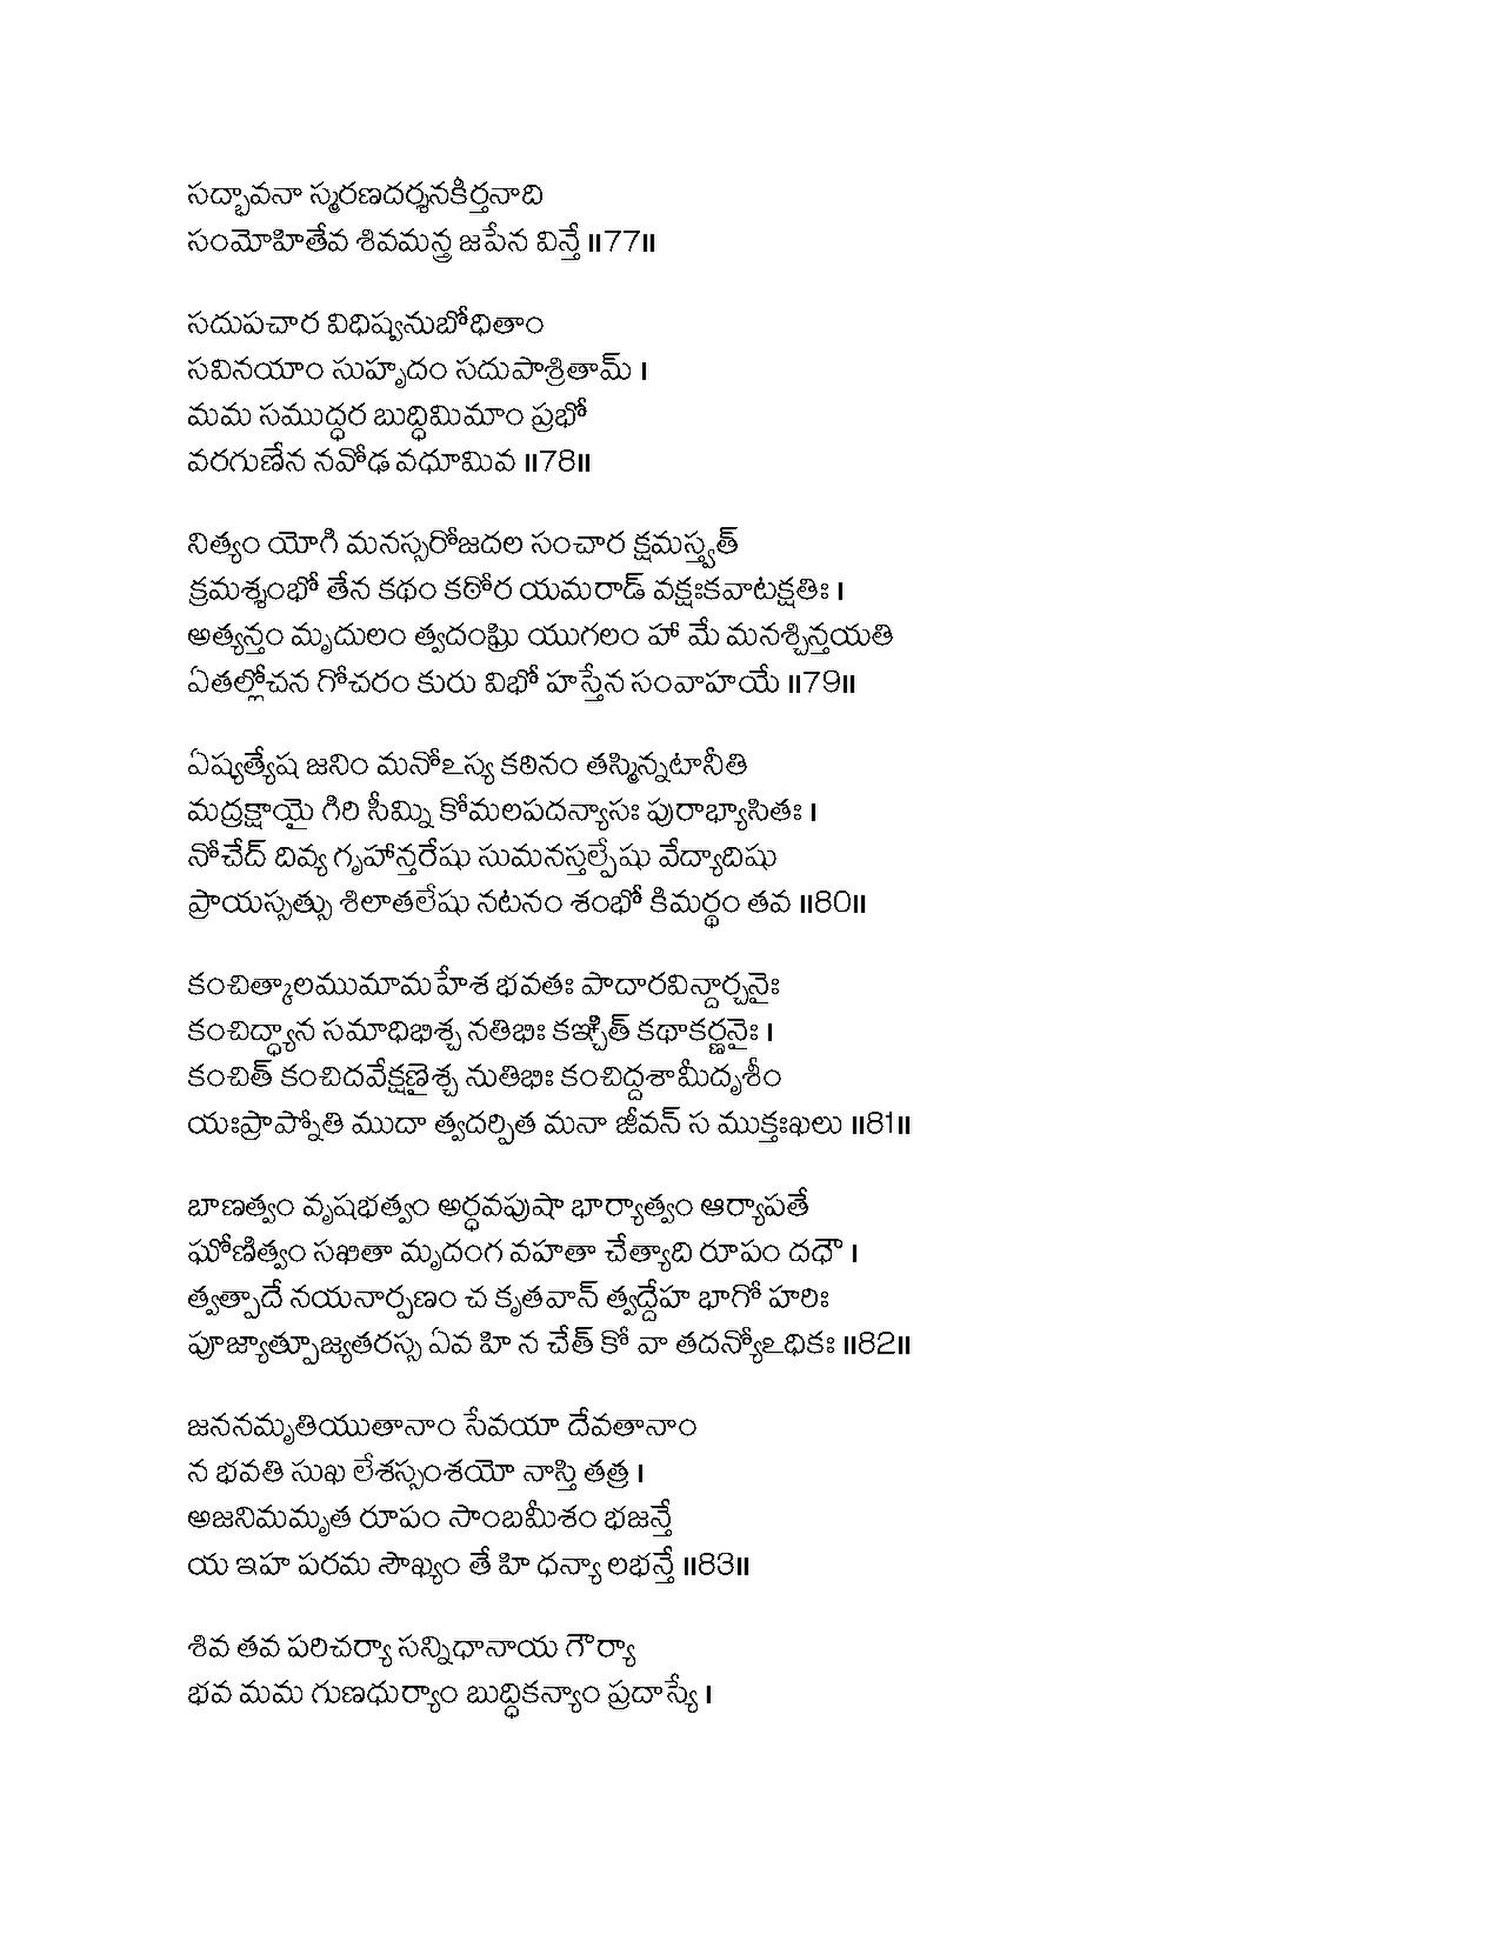సద్భావనా స్మరణదర్శనకీర్తనాది
సంమోహితేవ శివమన్త్ర జపేన విన్తే || 77 ||

సదుపచార విధిష్వనుబోధితాం
సవినయాం సుహృదం సదుపాశ్రితామ్ |
మమ సముద్ధర బుద్ధిమిమాం ప్రభో
వరగుణేననవోఢ వధూమివ ||78||

నిత్యం యోగి మనస్సరోజదల సంచార క్షమస్త్వత్
క్రమశ్శంభో తేనకథంకఠోర యమరాడ్ వక్షఃకవాట క్షతిః |
అత్యన్తం మృదులం త్వదంఘి యుగలం హా మే మనశ్చిన్తయతి
ఏతల్లోచన గోచరం కురువిభో హస్తేన సంవాహయే ||79||

ఏష్యత్యేష జనిం మనో౽స్య కఠినం తస్మిన్నటానీతి
మద్రక్షాయై గిరి సీమ్ని కోమలపదన్యాసః పురాభ్యాసితః |
నోచేద్ దివ్య గృహాన్తరేషు సుమనస్తల్పేషు వేద్యాదిషు
ప్రాయస్సత్సు శిలాతలేషు నటనం శంభో కిమర్థం తవ ||80||

కంచిత్కాలముమామహేశ భవతః పాదారవిన్దార్చనైః
కంచిద్ద్యాన సమాధిభిశ్చ నతిభిః కఞ్చిత్ కథాకర్ణనైః |
కంచిత్ కంచిదవేక్షణైశ్చ నుతిభిః కంచిద్దశామీదృశీం
యఃప్రాప్నోతి ముదా త్వదర్పిత మనా జీవన్ స ముక్తఃఖలు ||81||

బాణత్వం వృషభత్వం అర్ధవపుషా భార్యాత్వం ఆర్యాపతే
ఘోణిత్వం సఖితా మృదంగ వహతా చేత్యాది రూపం దధౌ |
త్వత్పాదే నయనార్పణం చ కృతవాన్ త్వద్దేహ భాగో హరిః
పూజ్యాత్పూజ్యతరస్స ఏవ హి న చేత్ కోవా తదన్యో౽ధికః ||82||

జననమృతియుతానాం సేవయా దేవతానాం
న భవతి సుఖలేశస్సంశయో నాస్తి తత్ర |
అజనిమమృత రూపం సాంబమీశం భజన్తే 
య ఇహ పరమ సౌఖ్యం తే హి ధన్యా లభన్డే || 83||

శివ తవ పరిచర్యా సన్నిధానాయ గౌర్యా
భవ మమ గుణధుర్యాం బుద్ధికన్యాం ప్రదాస్యే |